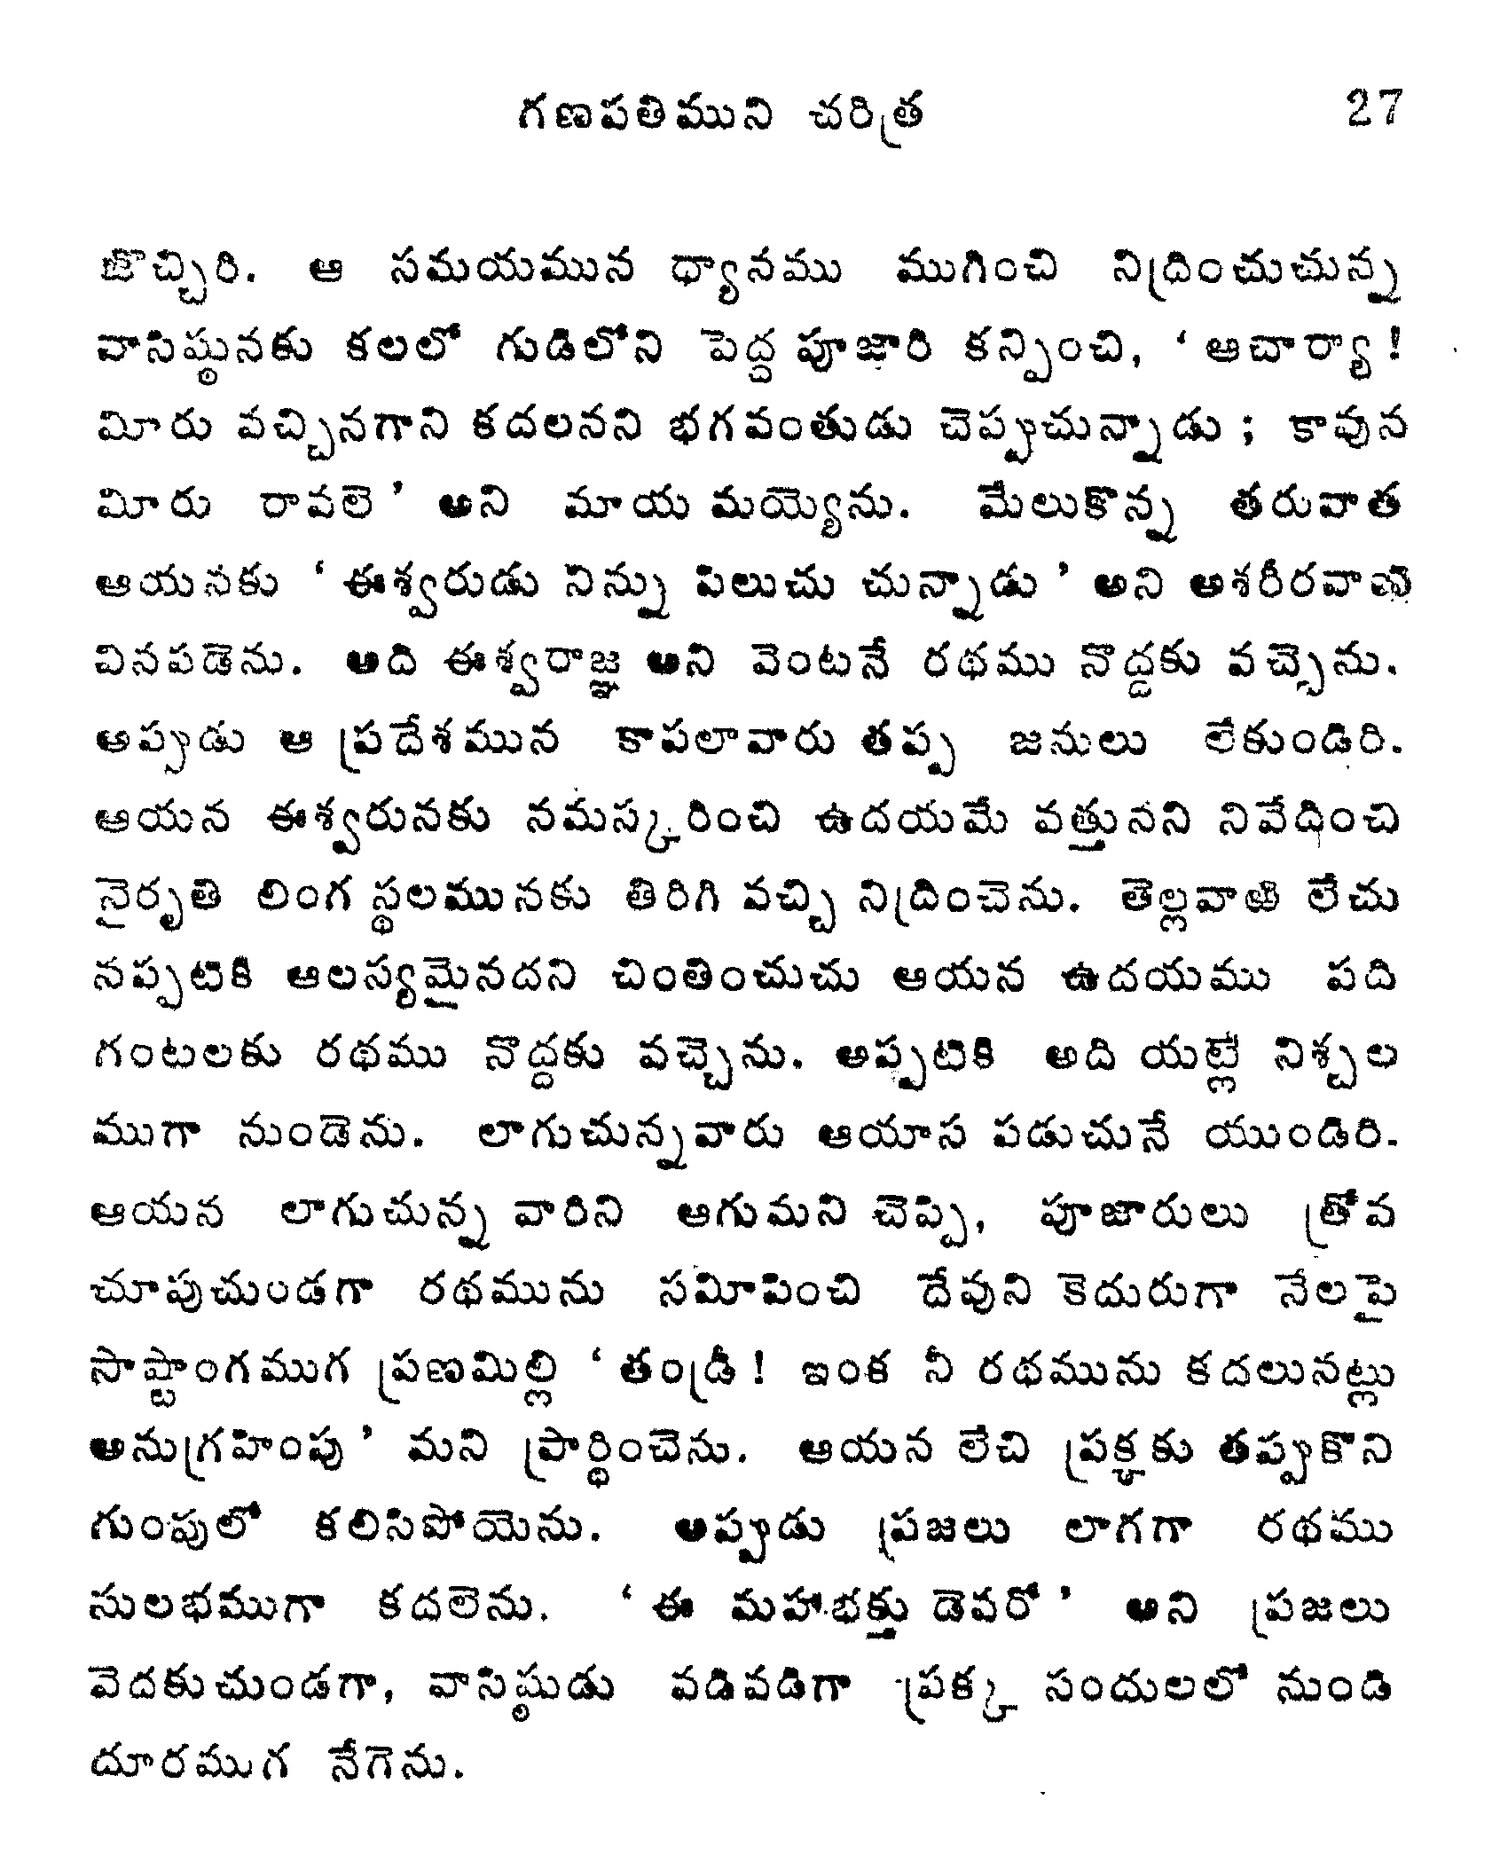జొచ్చిరి. అ సమయమున ధ్యానము ముగించి నిద్రించుచున్న వాసిష్ఠునకు కలలో గుడిలోని పెద్ద పూజారి కన్పించి, 'ఆచార్యా! మీరు వచ్చినగాని కదలనని భగవంతుడు చెప్పుచున్నాడు; కావున మీరు రావలె' అని మాయ మయ్యెను. మేలుకొన్న తరువాత ఆయనకు 'ఈశ్వరుడు నిన్ను పిలుచు చున్నాడు' అని అశరీరవాణి వినపడెను. అది ఈశ్వరాజ్ఞ అని వెంటనే రథము నొద్దకు వచ్చెను. అప్పుడు ఆ ప్రదేశమున కాపలావారు తప్ప జనులు లేకుండిరి. ఆయన ఈశ్వరునకు నమస్కరించి ఉదయమే వత్తునని నివేదించి నైరృతి లింగ స్థలమునకు తిరిగి వచ్చి నిద్రించెను. తెల్లవాఱి లేచునప్పటికి ఆలస్యమైనదని చింతించుచు ఆయన ఉదయము పది గంటలకు రథము నొద్దకు వచ్చెను. అప్పటికి అది యట్లే నిశ్చలముగా నుండెను. లాగుచున్నవారు ఆయాస పడుచునే యుండిరి. ఆయన లాగుచున్న వారిని ఆగుమని చెప్పి, పూజారులు త్రోవ చూపుచుండగా రథమును సమీపించి దేవుని కెదురుగా నేలపై సాష్టాంగముగ ప్రణమిల్లి 'తండ్రీ! ఇంక నీ రథమును కదలునట్లు అనుగ్రహింపు' మని ప్రార్థించెను. ఆయన లేచి ప్రక్కకు తప్పుకొని గుంపులో కలిసిపోయెను. అప్పుడు ప్రజలు లాగగా రథము సులభముగా కదలెను. 'ఈ మహాభక్తు డెవరో' అని ప్రజలు వెదకుచుండగా, వాసిష్ఠుడు వడివడిగా ప్రక్క సందులలో నుండి దూరముగ నేగెను.